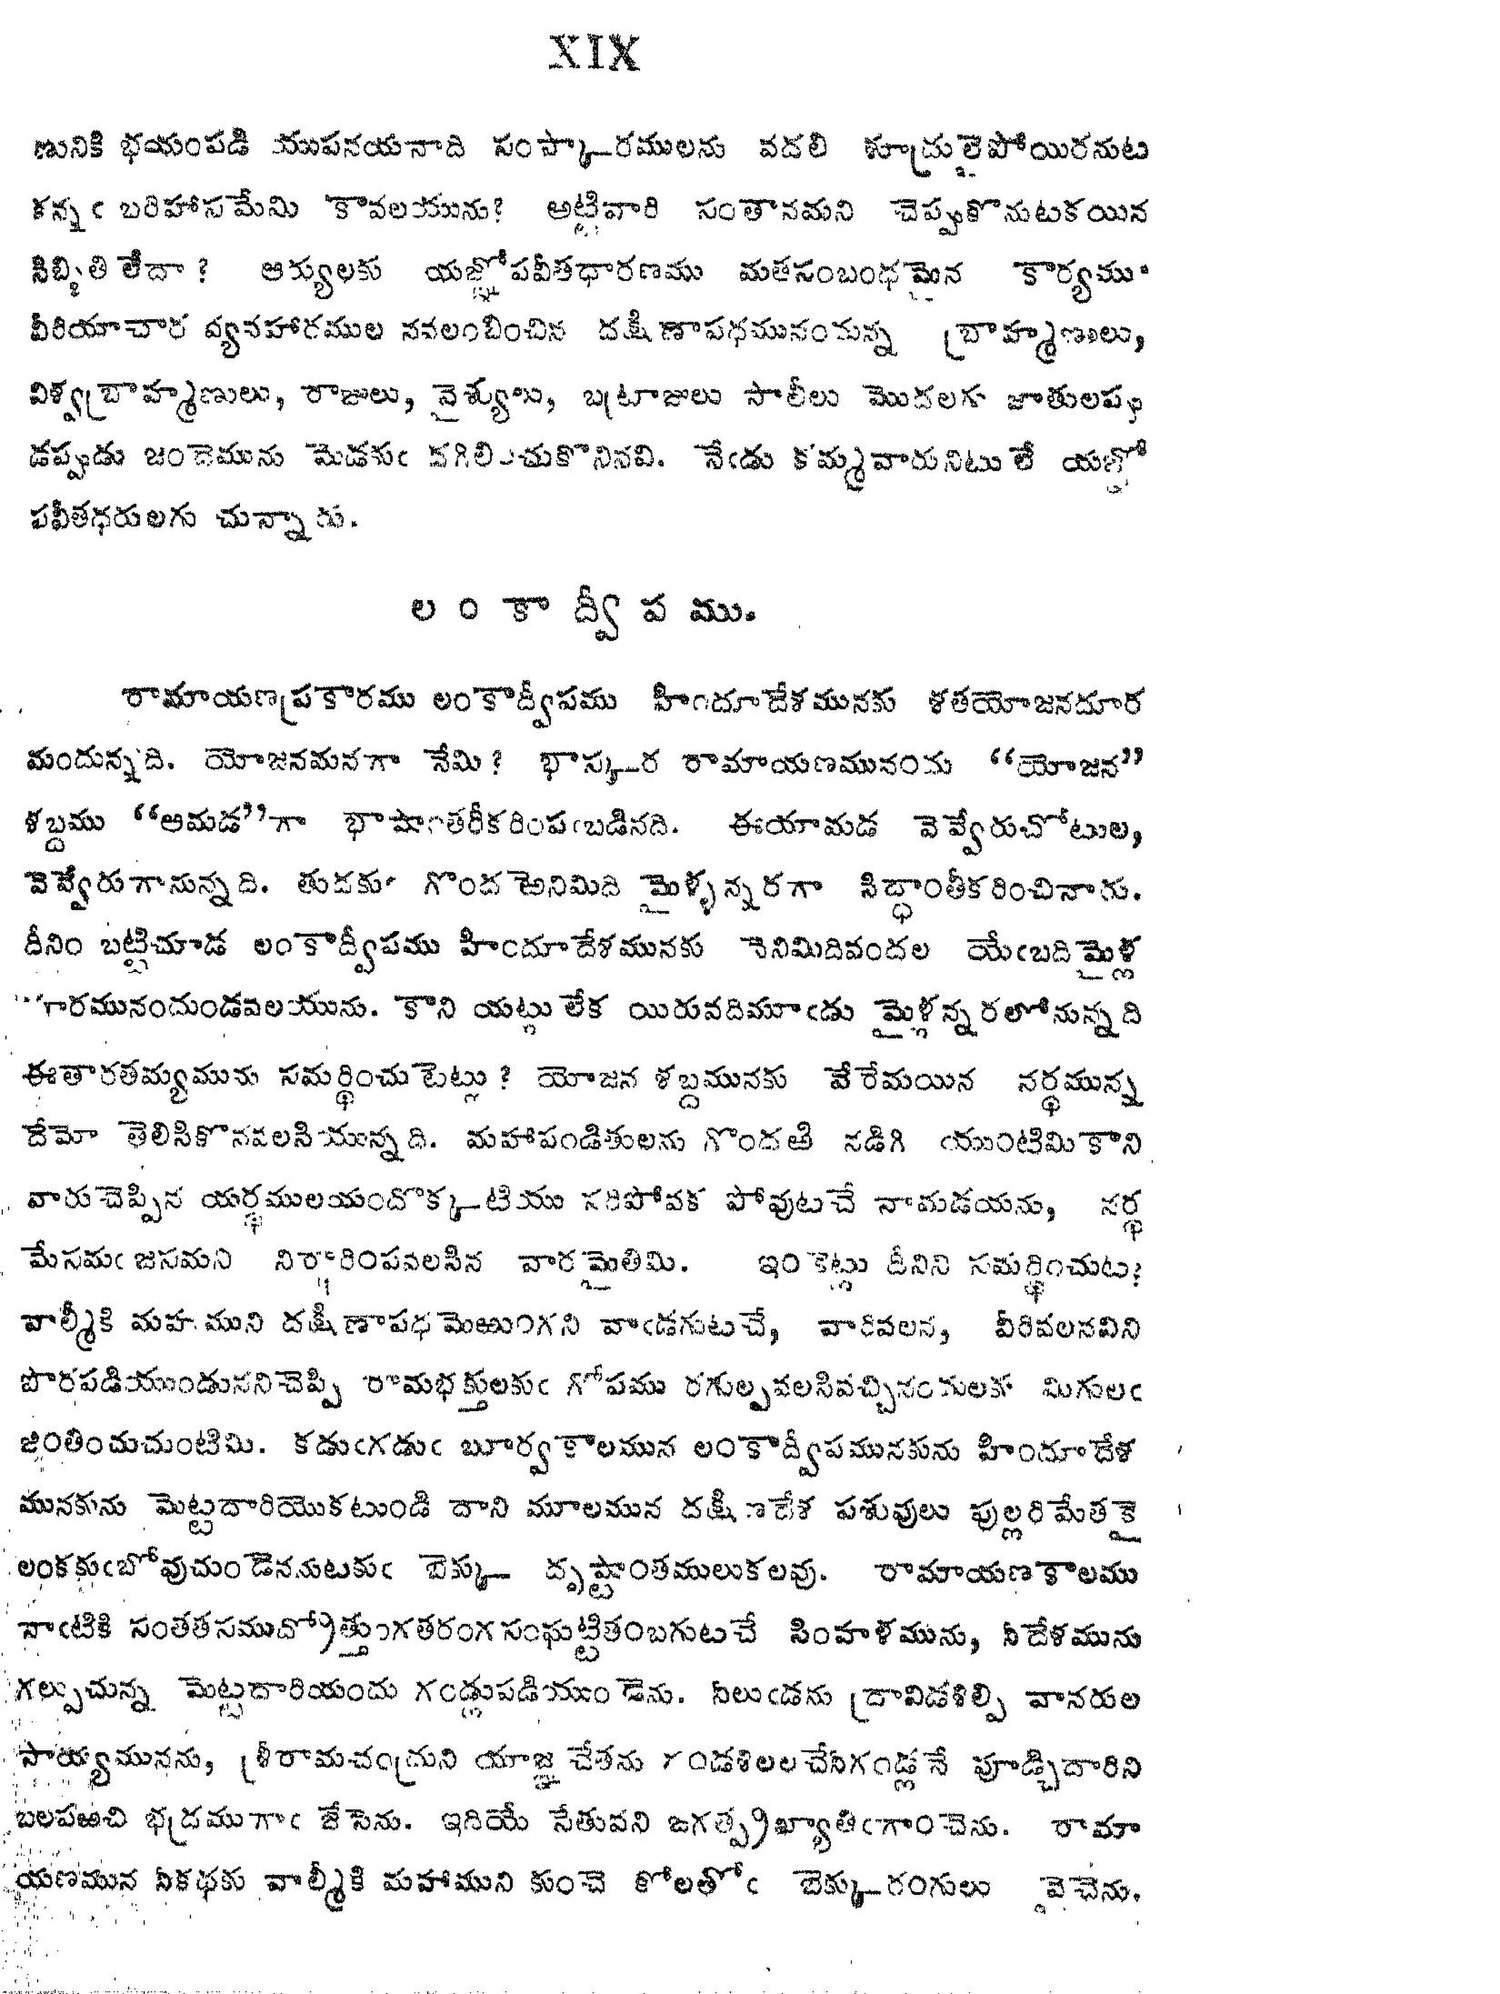ణునికి భయంపడి యుపనయనాది సంస్కారములను వదలి శూద్రులైపోయిరనుట
కన్నబరిహాసమేమి కావలయును? అట్టి వారి సంతానమని చెప్పుకొనుటకయిన
సిబ్బితి లేదా ! ఆర్యులకు యజ్ఞోపవీతధారణము మత సంబంధమైన కార్యము 
వీరియాచార వ్యవహారముల నవలంబించిన దక్షిణాపధమునందున్న బ్రాహ్మణలు,
విశ్వబ్రాహ్మణులు, రాజులు, వైశ్యులు, బట్రాజులు సౌలీలు మొదలగు జాతులప్పు
డప్పుడు జందెమును మెడకుఁ దగిలించుకొనినవి. నేఁడు కమ్మవారు నిటులే యెజ్ఞో
పవీతధరులగు చున్నారు.

రామాయణ ప్రకారము లంకాద్వీపము హిందూదేశమునకు శతయోజనదూర
మందున్నది. యోజనమనగా నేమి ? భాస్కర రామాయణమునందు "యోజన"
శబ్దము “అమడ'గా భాషా తరీకరింపఁబడినది . ఈయామడ వెవ్వేరుచోటుల,
వెవ్వేరుగా సున్నది. తుదకు " గొందఱెనిమిది మైళ్ళన్నరగా సిద్ధాంతీక రించినారు.
దీనిం బట్టిచూడ లంకాద్వీపము హిందూ దేశమునకు నెనిమిదివందల యేఁబది మైళ్ల
దూరమునందుండవలయును. కాని యట్లు లేక యిరువదిమూఁడు మైళ్లన్నరలోనున్నది
ఈ తారతమ్యమును సమర్థించు టెట్లు ? యోజన శబ్దమునకు వేరేమయిన నర్థమున్న
దేమో తెలిసికొనవలసి యున్నది. మహాపండితులను గొందఱి నడిగి యుంటిమి కాని
వారు చెప్పిన యర్థములయందొక్కటియు సరిపోవక పోవుటచే నామడయను, సర్థ
మే సమంజశమని నిర్దారింపవలసిన వార మైతిమి.ఇంకెట్లు దీనినిసమర్థించుట
వాల్మీకి మహా ముని దక్షిణాపధ మెఱుంగని వాఁడగుటచే, వారివలన, వీరివలన విని
పొరపడియుండునని చెప్పి రామభక్తులకుఁగోపము రగుల్పవలసివచ్చినందులకు మిగులఁజింతించుచుంటిమి. కడుఁగడుఁ బూర్వకాలమున లంకాద్వీపమునకును హిందూ దేశమునకును మెట్టదారియొకటుండి దాని మూలమున దక్షిణ దేశ పశువులు పుల్లరి మేత కైలంక కుఁబోవుచుం డెననుటకుఁ బెక్కు దృష్టాంతములుకలవు. రామాయణ కాలము
నాఁటికి సంతత సముద్రోత్తుంగ తరంగ సంఘట్టితంబగుటచే సింహళమును, నీదేశమును
గల్పుచున్న మెట్ట దారియందు గండ్లుపడి యుండెను. నీలుఁడను ద్రావిడశిల్పి వానరుల
సాయ్యమునను, శ్రీరామచంద్రుని యాజ్ఞ చేతను కొండశిలలచేసి గండ్ల నే పూడ్చిదారిని
బలపరచి భద్రముగా జేసెను. ఇదియే సేతువని జగత్ప్రఖ్యాతి గాంచెను. రామా
యణమున నీకథకు వాల్మీకి మహాముని కుంచె కోలతో బెక్కు రంగులు వైచెను,